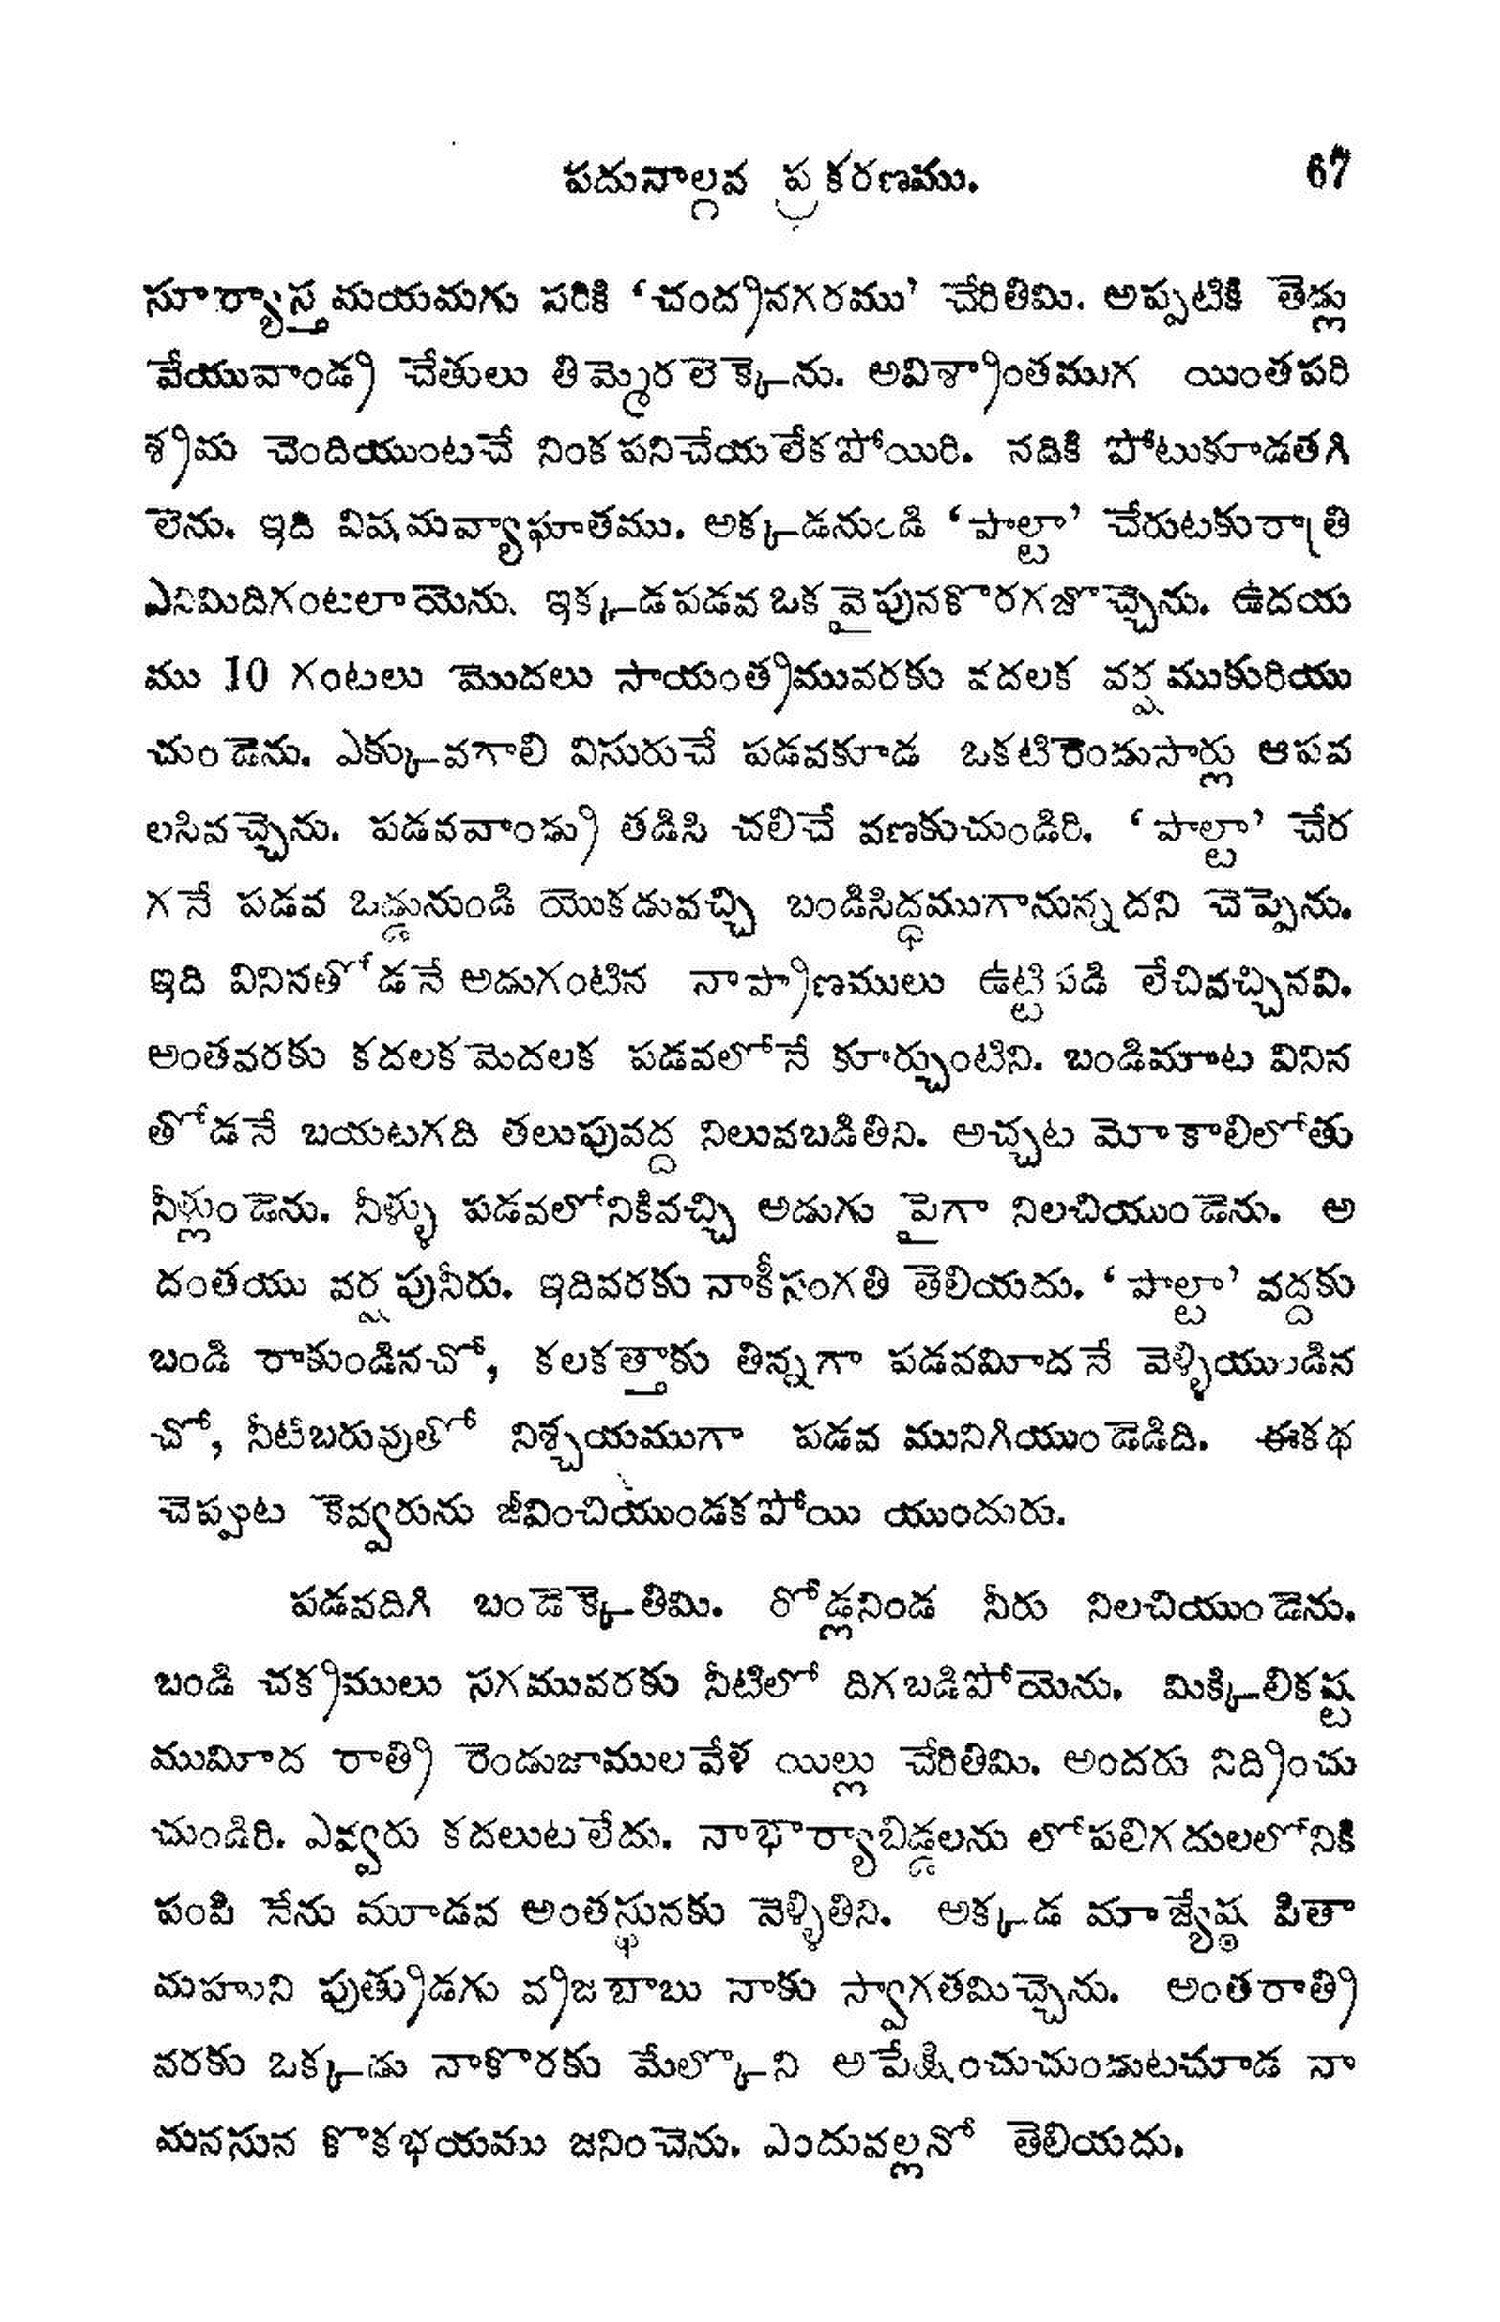సూర్యాస్తమయమగు సరికి 'చంద్రనగరము' చేరితిమి. అప్పటికి తెడ్లు
వేయువాండ్రు చేతులు తిమ్మెర లెక్కెను. అవిశ్రాంతముగ యింత పరి
శ్రమ చెందియుంటచే నింక పనిచేయ లేక పోయిరి. నదికి పోటుకూడ
తగిలెను. ఇది విషమవ్యాఘాతము. అక్కడనుండి “పొలా' చేరుటకు రాత్రి
ఎనిమిది గంటలాయెను. ఇక్కడ పడవ ఒక వైపున కొరగజొచ్చెను. ఉదయ
ము 10 గంటలు మొదలు సాయంతము వరకు వదలక వర్ష ముకురియు
చుండెను. ఎక్కువగాలి విసురుచే పడవ కూడ ఒకటి రెండు సార్లు ఆపవ
లసివచ్చెను. పడవవాండు తడిసి చలిచే వణకుచుండిరి. ' పొలా' చేర
గనే పడవ ఒడ్డునుండి యొకడు వచ్చి బండి సిద్ధముగా నున్నదని చెప్పెను.
ఇది వినినతోడనే అడుగంటిన నాప్రాణములు ఉట్టి పడి లేచివచ్చినవి.
అంతవరకు కదలక మెదలక పడవలోనే కూర్చుంటిని. బండిమాట వినిన
తోడనే బయటగది తలుపువద్ద నిలువబడితిని. అచ్చట మోకాలిలోతు
నీళ్లుండెను. నీళ్ళు పడవలోనికి వచ్చి అడుగు పైగా నిలచి యుండెను. ఆ
దంతయు వర్షపునీరు. ఇదివరకు నాకీ సంగతి తెలియదు. “ పొల్టా' వద్దకు
బండి రాకుండినచో, కలకత్తాకు తిన్నగా పడవమీద నే వెళ్ళియుడినచో, నీటి 
బరువుతో నిశ్చయముగా పడవ మునిగియుం డెడిది. ఈకథ చెప్పుట
 'కెవ్వరును జీవించి యుండక పోయి యుందురు.

పడవదిగి బండెక్కెతిమి. రోడ్లనిండ నీరు నిలచియుండెను.బండి చక్రములు సగమువరకు నీటిలో దిగబడిపోయెను, మిక్కిలికష్టముమీద 'రాత్రి రెండు జాముల 
వేళ యిల్లు చేరితిమి, అందరు నిద్రించుచుండిరి. ఎవ్వరు కదలుట లేదు. నాభార్యాబిడ్డలను లోపలిగదులలోనికి పంపి నేను మూడవ అంతస్థునకు 
వెళ్ళితిని. అక్కడ మా జ్యేష్ఠ పితామహుని పుత్రుడగు వ్రజ బాబు నాకు స్వాగత
మిచ్చెను. అంతరాత్రి వరకు ఒక్కడు నాకొరకు మేల్కొని అపేక్షించుచుండుట 
చూడ నామనసున కొక భయము జనించెను. ఎందువల్లనో తెలియదు,